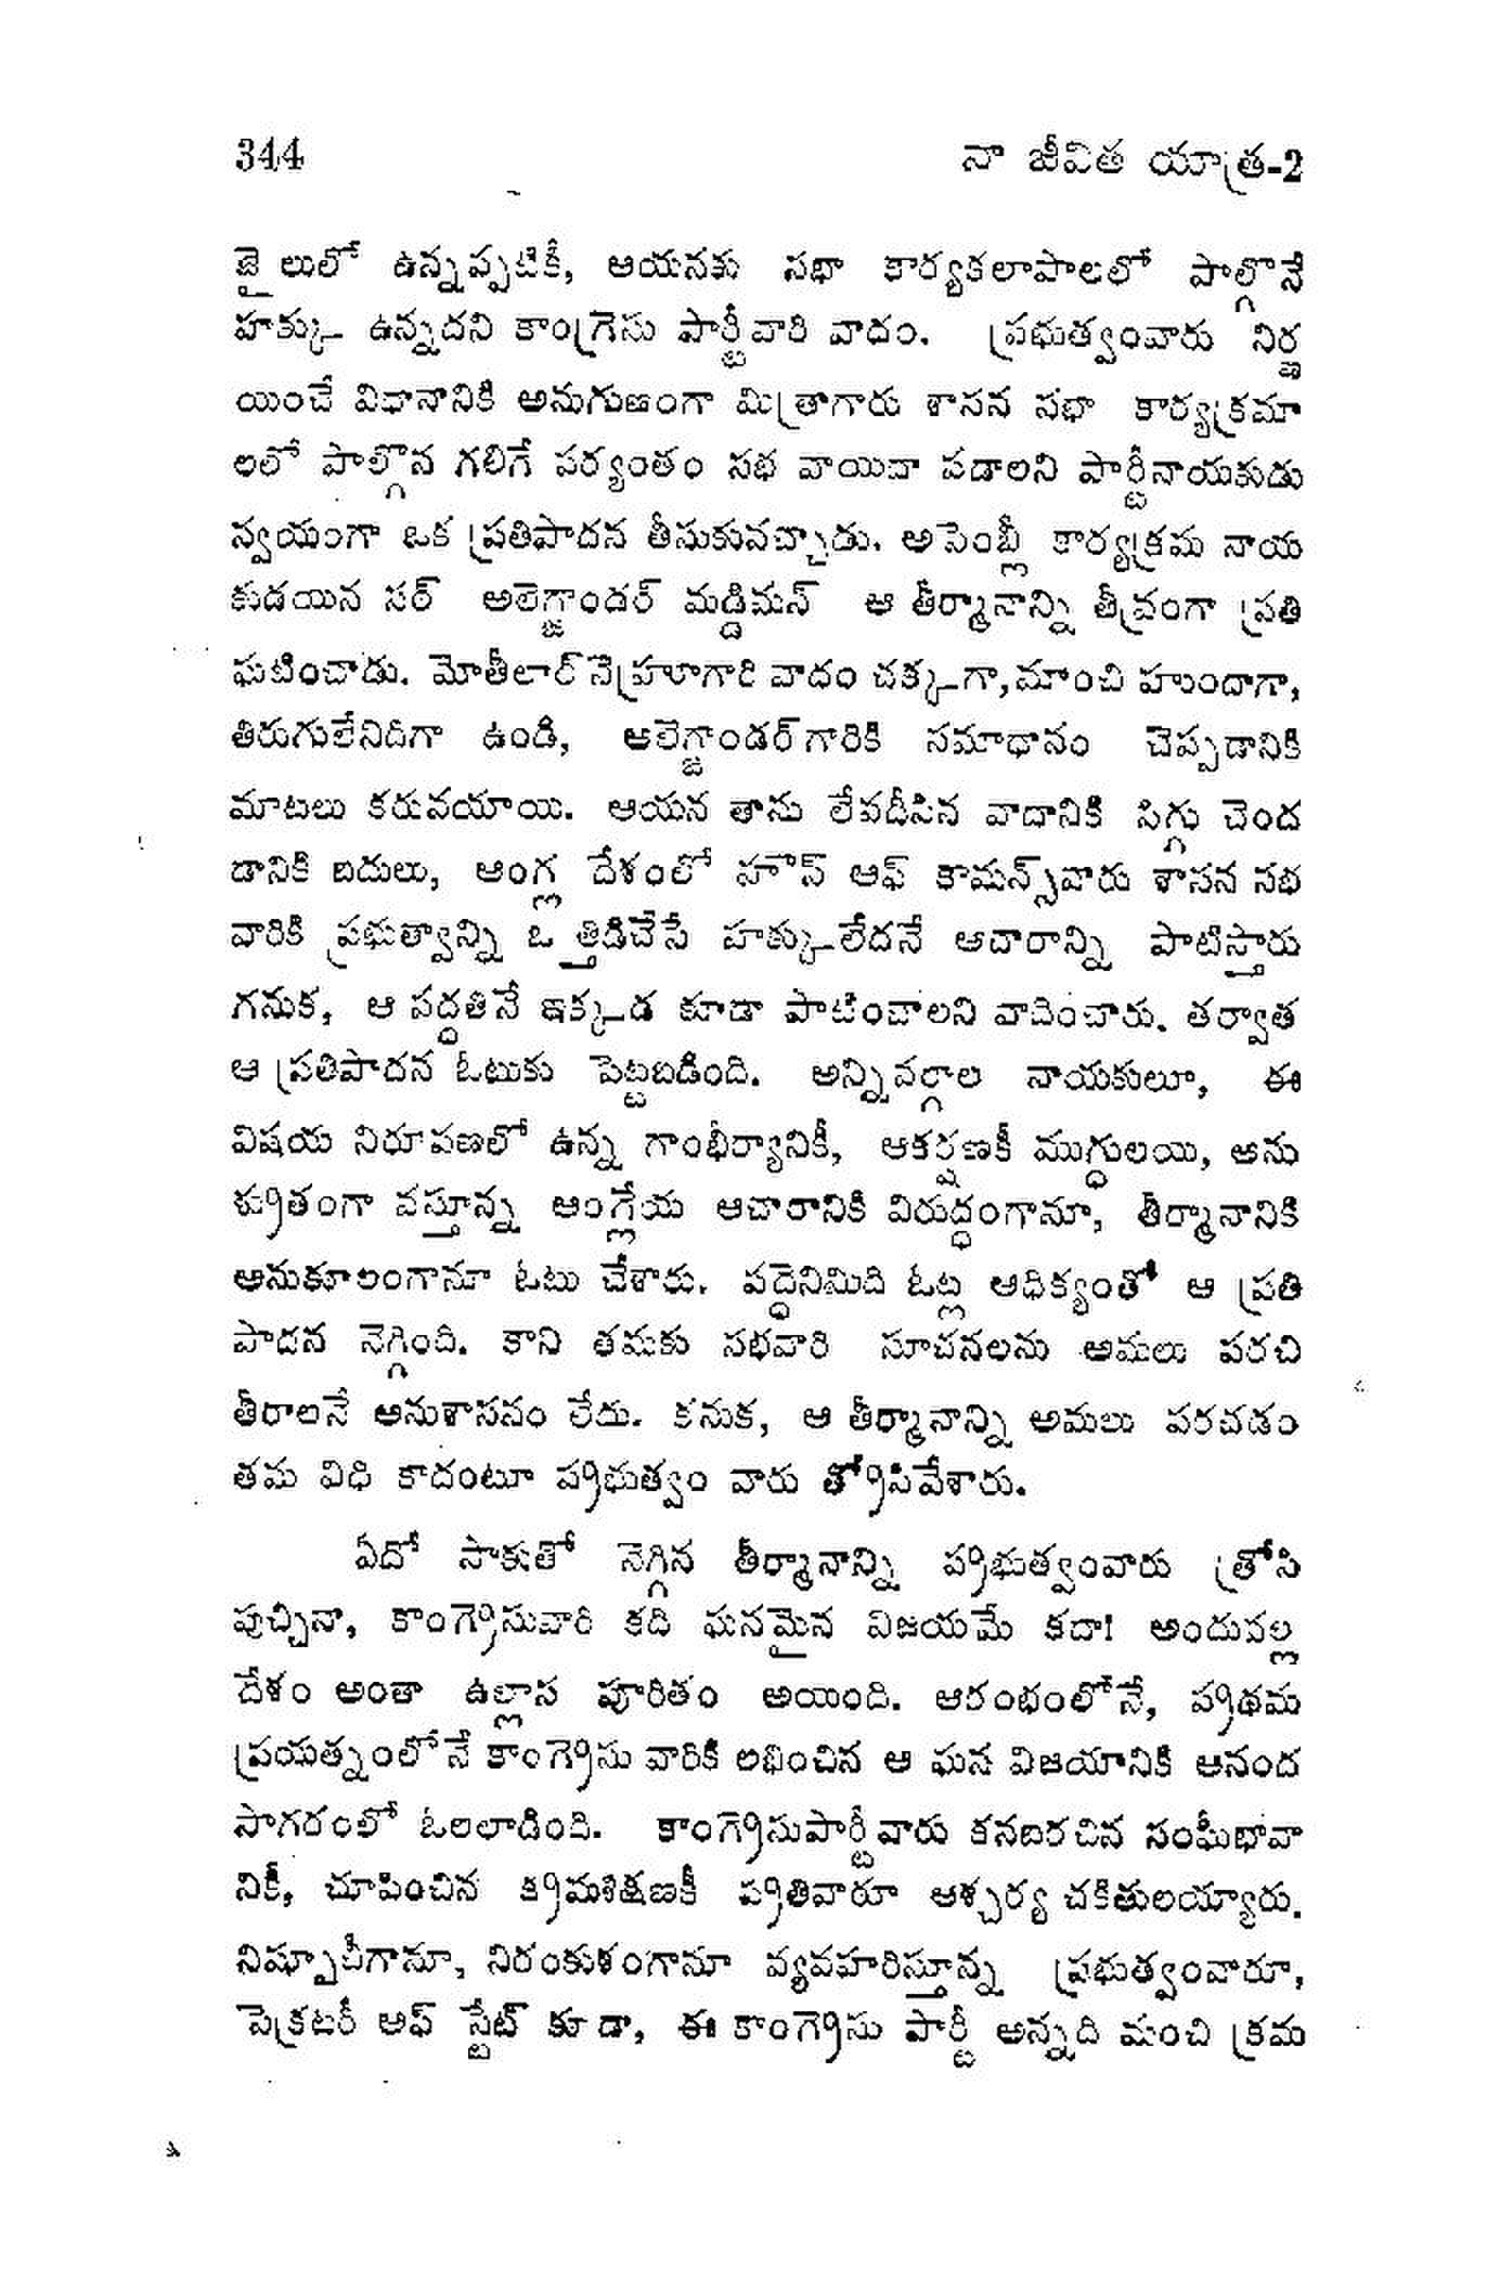జైలులో ఉన్నప్పటికీ, ఆయనకు సభా కార్యకలాపాలలో పాల్గొనే హక్కు ఉన్నదని కాంగ్రెసు పార్టీవారి వాదం. ప్రభుత్వంవారు నిర్ణయించే విధానానికి అనుగుణంగా మిత్రాగారు శాసన సభా కార్యక్రమాలలో పాల్గొన గలిగే పర్యంతం సభ వాయిదా పడాలని పార్టీనాయకుడు స్వయంగా ఒక ప్రతిపాదన తీసుకువచ్చాడు. అసెంబ్లీ కార్యక్రమ నాయకుడయిన సర్ అలెగ్జాండర్ మడ్డిమన్ ఆ తీర్మానాన్ని తీవ్రంగా ప్రతిఘటించాడు. మోతిలాల్‌నెహ్రూగారి వాదం చక్కగా, మాంచి హుందాగా, తిరుగులేనిదిగా ఉండి, అలెగ్జాండర్ గారికి సమాధానం చెప్పడానికి మాటలు కరువయాయి. ఆయన తాను లేవదీసిన వాదానికి సిగ్గు చెందడానికి బదులు, ఆంగ్ల దేశంలో హౌస్ ఆఫ్ కామన్స్‌వారు శాసన సభ వారికి ప్రభుత్వాన్ని ఒత్తిడిచేసే హక్కులేదనే ఆచారాన్ని పాటిస్తారు గనుక, ఆ పద్ధతినే ఇక్కడ కూడా పాటించాలని వాదించారు. తర్వాత ఆ ప్రతిపాదన ఓటుకు పెట్టబడింది. అన్నివర్గాల నాయకులూ, ఈ విషయ నిరూపణలో ఉన్న గాంభీర్యానికీ, ఆకర్షణకీ ముగ్దులయి, అనుశ్రుతంగా వస్తూన్న ఆంగ్లేయ ఆచారానికి విరుద్ధంగానూ, తీర్మానానికి అనుకూలంగానూ ఓటు చేశారు. పద్దెనిమిది ఓట్ల ఆధిక్యంతో ఆ ప్రతిపాదన నెగ్గింది. కాని తమకు సభవారి సూచనలను అమలు పరచితీరాలనే అనుశాసనం లేదు. కనుక, ఆ తీర్మానాన్ని అమలు పరచడం తమ విధి కాదంటూ ప్రభుత్వం వారు త్రోసివేశారు.

ఏదో సాకుతో నెగ్గిన తీర్మానాన్ని ప్రభుత్వంవారు త్రోసిపుచ్చినా, కాంగ్రెసువారి కది ఘనమైన విజయమే కదా! అందువల్ల దేశం అంతా ఉల్లాస పూరితం అయింది. ఆరంభంలోనే, ప్రథమ ప్రయత్నంలోనే కాంగ్రెసు వారికి లభించిన ఆ ఘన విజయానికి ఆనందసాగరంలో ఓలలాడింది. కాంగ్రెసుపార్టీ వారు కనబరచిన సంఘీభావానికీ, చూపించిన క్రమశిక్షణకీ ప్రతివారూ ఆశ్చర్య చకితులయ్యారు. నిష్పూచీగానూ, నిరంకుశంగానూ వ్యవహరిస్తూన్న ప్రభుత్వంవారూ, సెక్రటరీ ఆఫ్ స్టేట్ కూడా, ఈ కాంగ్రెసు పార్టీ అన్నది మంచి క్రమ